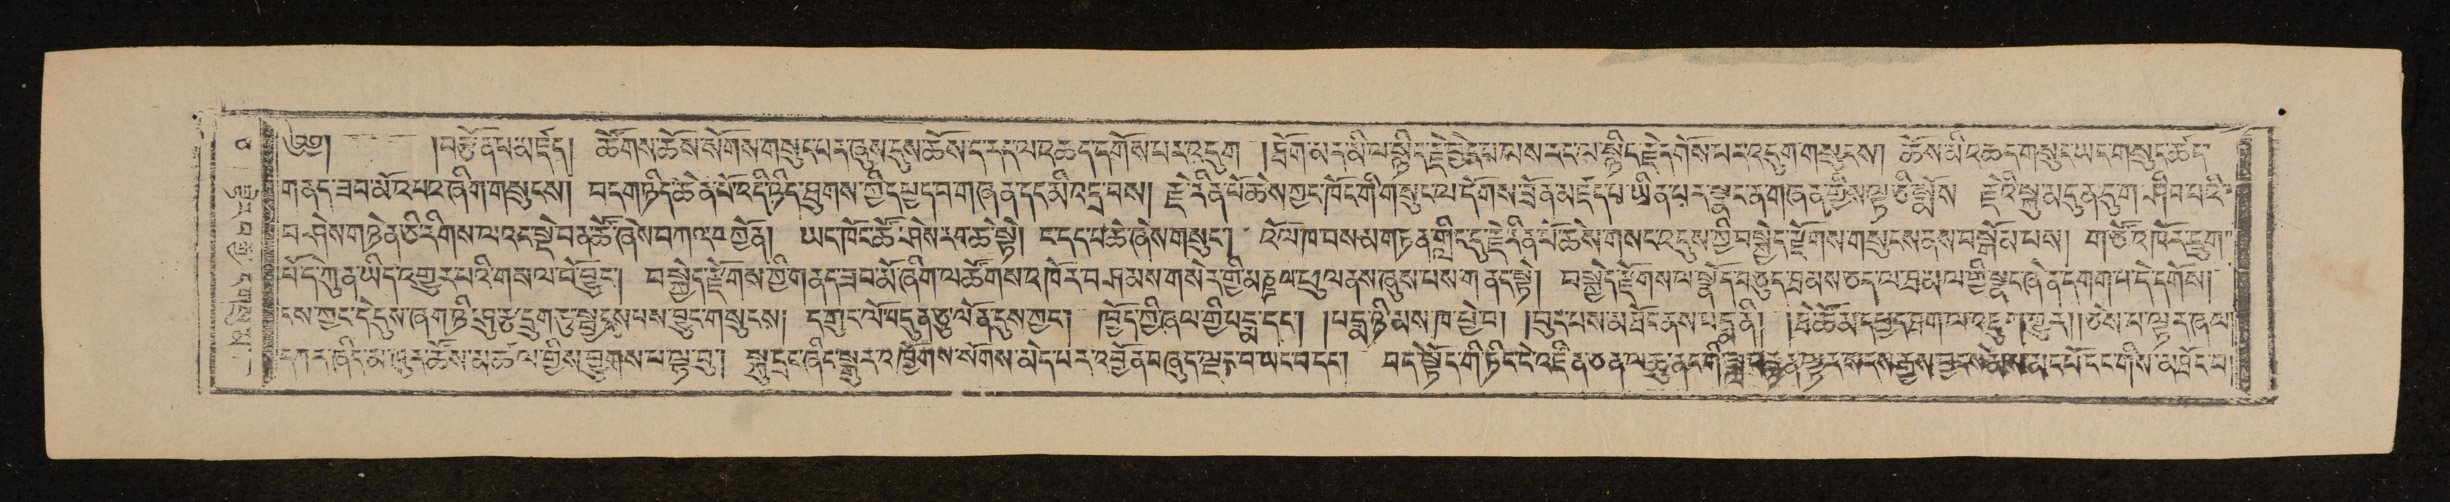༄༅། །བརྩོན་པ་མཛད། ཚོགས་ཆོས་སོགས་གསུང་བར་ཞུས་དུས་ཆོས་ད་རང་ལ་འཆད་དགོས་པར་འདུག །ཐོག་མར་མི་ལ་སྙིང་རྗེ་བྱེད་པ་ལས་རང་ལ་སྙིང་རྗེ་དགོས་པར་འདུག་གསུངས། ཆོས་མི་འཆད་གསུང་ཡང་གསུང་ཚད་
གནད་ཟབ་མོ་འབའ་ཞིག་གསུངས། བདག་ཉིད་ཆེན་པོ་འདི་ཉིད་ཐུགས་ཀྱི་དཔྱད་པ་གཞན་དང་མི་འདྲ་བས། རྗེ་རིན་པོ་ཆེས་ཀྱང་ཁོང་གི་གསུང་ལ་དགོས་ཟོན་མཛད་པ་ཡིན་པར་སྣང་ན་གཞན་གྱིས་ལྟ་ཅི་སྨོས། རྗེའི་སྐུ་མདུན་དུ་གཤིབ་པའི་
བཤེས་གཉེན་ཅི་རིགས་ལའང་སྡེ་བན་ཚོ་ཞེས་བཀའ་བཀྱོན། ཡང་ཁོང་ཚོ་ཤེས་རབ་ཆེ་སྟེ། ང་དད་བ་ཆེ་ཞེས་གསུང་། འོལ་ཁ་བསམ་གཏན་གླིང་དུ་རྗེ་རིན་པོ་ཆེས་གསང་འདུས་ཀྱི་བསྐྱེད་རྫོགས་གསུངས་ནས་བསྒོམ་པས། གཙོ་འཁོར་དྲུག་
པོ་དེ་ཀུན་ཡིད་འགྱུར་པའི་གསལ་པོ་བྱུང་། བསྐྱེད་རྫོགས་ཀྱི་གནད་ཟབ་མོ་ཞིག་ལ་ཚོགས་འཁོར་བཤམས་གསེར་གྱི་མཎྜལ་ཕུལ་ནས་ཞུས་པས་གནང་སྟེ། བསྐྱེད་རྫོགས་ལ་སྣོད་བཅུད་ཐམས་ཅད་ལ་ཐ་མལ་གྱི་སྣང་ཞེན་དགག་པ་དེ་དགོས།
ངས་ཀྱང་དེ་དུས་ཞག་ཉི་ཤུ་རྩ་དྲུག་ཏུ་སྦྱངས་པས་བྱུང་གསུངས། དགུང་ལོ་བདུན་ཅུ་ལོན་དུས་ཀྱང་། ཁྱོད་ཀྱི་ཞལ་གྱི་པདམ་དང་། །པདམ་ཉི་མས་ཁ་ཕྱེ་བ། །བུང་པས་མཐོང་ནས་པདམ་ནི། །ཐེ་ཚོམ་དཔྱད་ཐག་ལ་འཇུག་གྱུར། །ཅེས་པ་ལྟར་ཞལ་
དཀར་ཞིང་མཁུར་ཚོས་མཚལ་གྱིས་བྱུགས་པ་ལྟ་བུ། སྐུ་དྲང་ཞིང་སྒུར་འཁྱོགས་སོགས་མེད་པར་འབྱོན་བཞུད་ལྡང་བ་ཡང་བ་དང་། བདེ་སྟོང་གི་ཏིང་ངེ་འཛིན་ཅན་ལ་ཆུ་ནང་གི་ཟླ་བརྙན་ལྟར་སངས་རྒྱས་བྱང་སེམས་མང་པོ་དང་གིས་མཐོང་བ་